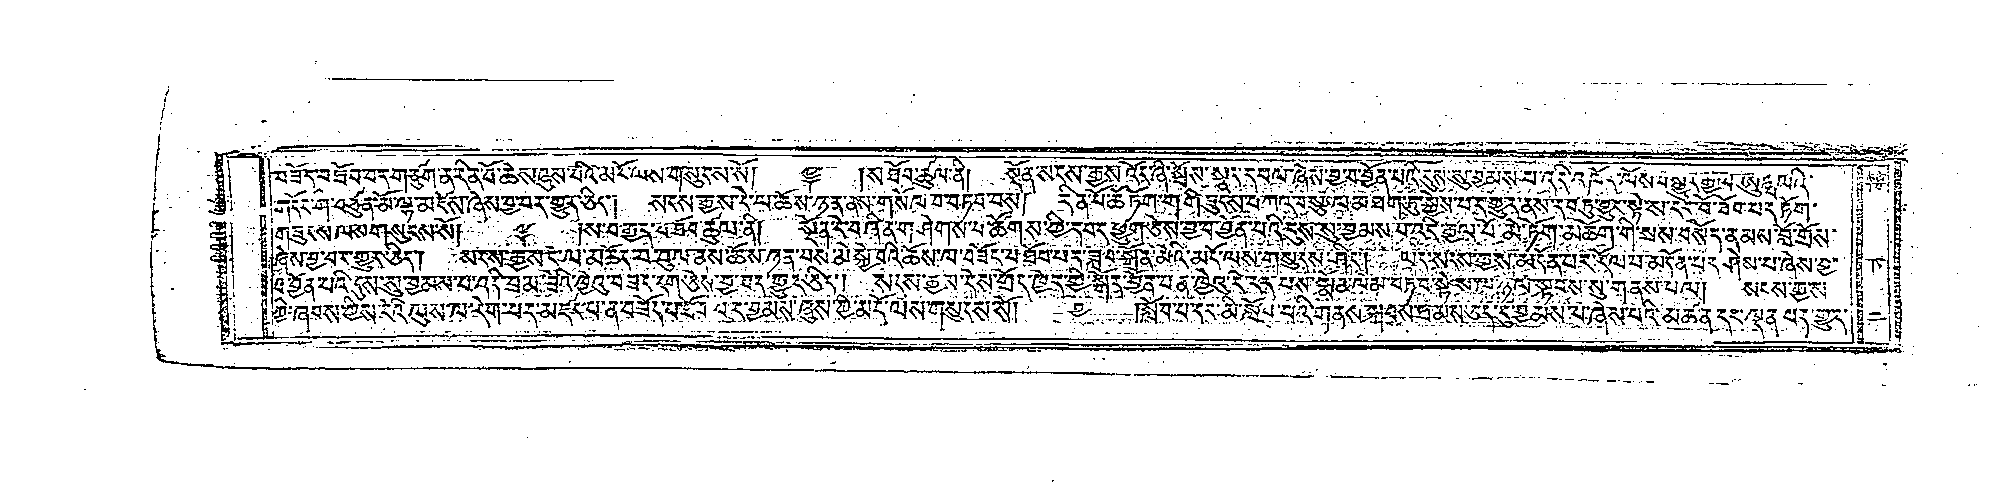བཟོད་བ་ཐོབ་བར་གཙུག་ན་རིན་བོ་ཆེས་ཞུས་པའི་མདོ་ལས་གསུངས་སོ། ༈ །ས་ཐོབ་ཚུལ་ནི། སྔོན་སངས་རྒྱས་འོད་ཞི་སྦོས་སྣང་དབལ་ཞེས་བྱ་བ་བྱོན་པའི་དུས་སུ་བྱམས་པ་འདི་འཁོར་ལོས་བསྒྱུར་རྒྱལ་ཨུཏྤལའི་
གདོང་གི་བཙུན་མོ་ལྷ་མཛེས་ཞེས་བྱ་བར་གྱུར་ཅིང་། སངས་རྒྱས་དེ་ལ་ཆོས་ཉན་ནས་གསོལ་བ་བཏབ་བས། རིན་པོ་ཆེ་ཏོག་གི་གཟུངས་བཀའ་བསྩལ་མ་ཐག་ཏུ་སྐྱེས་བར་གྱུར་ནས་རབ་ཏུ་བྱུང་སྟེ་ས་དང་བོ་ཐོབ་པར་ཏོག་
གཟུངས་ལས་གསུངས་སོ། ༈ །ས་བརྒྱད་པ་ཐོབ་ཚུལ་ནི། སྔོན་དེ་བཞིན་གཤེགས་པ་ཚོགས་ཀྱི་དབང་ཕྱུག་ཅེས་བྱ་བ་བྱོན་པའི་དུས་སུ་བྱམས་པ་འདི་རྒྱལ་པོ་མེ་ཏོག་མཆོག་གི་སྲས་བསོད་ནམས་བློ་གྲོས་
ཞེས་བྱ་བར་གྱུར་ཅིང་། སངས་རྒྱས་དེ་ལ་མཆོད་པ་ཕུལ་ནས་ཆོས་ཉན་པས་མེ་སྐྱེ་བའི་ཆོས་ལ་བཟོད་པ་ཐོབ་པར་ཟླ་བ་སྒྲོན་མེའི་མདོ་ལས་གསུངས་ཤིང་། ཡང་སངས་རྒྱས་མངོན་པར་རོལ་པ་མངོན་པར་ཤེས་པ་ཞེས་བྱ་
བ་བྱོན་པའི་དུས་སུ་བྱམས་པ་འདི་བྲམ་ཟེའི་ཁྱེའུ་བཟང་དག་ཅེས་བྱ་བར་གྱུར་ཅིང་། སངས་རྒྱས་དེས་གྲོང་ཁྱེར་གྱི་སྒོར་བྱོན་པ་ན་ཁྱེའུ་དེ་དད་པས་སྨོན་ལམ་བཏབ་སྟེ་ས་ལ་ཉལ་སྟབས་སུ་གནས་པ་ལ། སངས་རྒྱས་
ཀྱི་ཞབས་ཀྱིས་དེའི་ལུས་ལ་རེག་པར་མཛད་པ་ན་བཟོད་པ་ཐོབ་པར་བྱམས་ཞུས་ཀྱི་མདོ་ལས་གསུངས་སོ། ༧་།སློབ་པ་དང་མི་སློབ་པའི་གནས་སྐབས་ཐམས་ཅད་དུ་བྱམས་པ་ཞེས་པའི་མཚན་དང་ལྡན་པར་གྱུར་